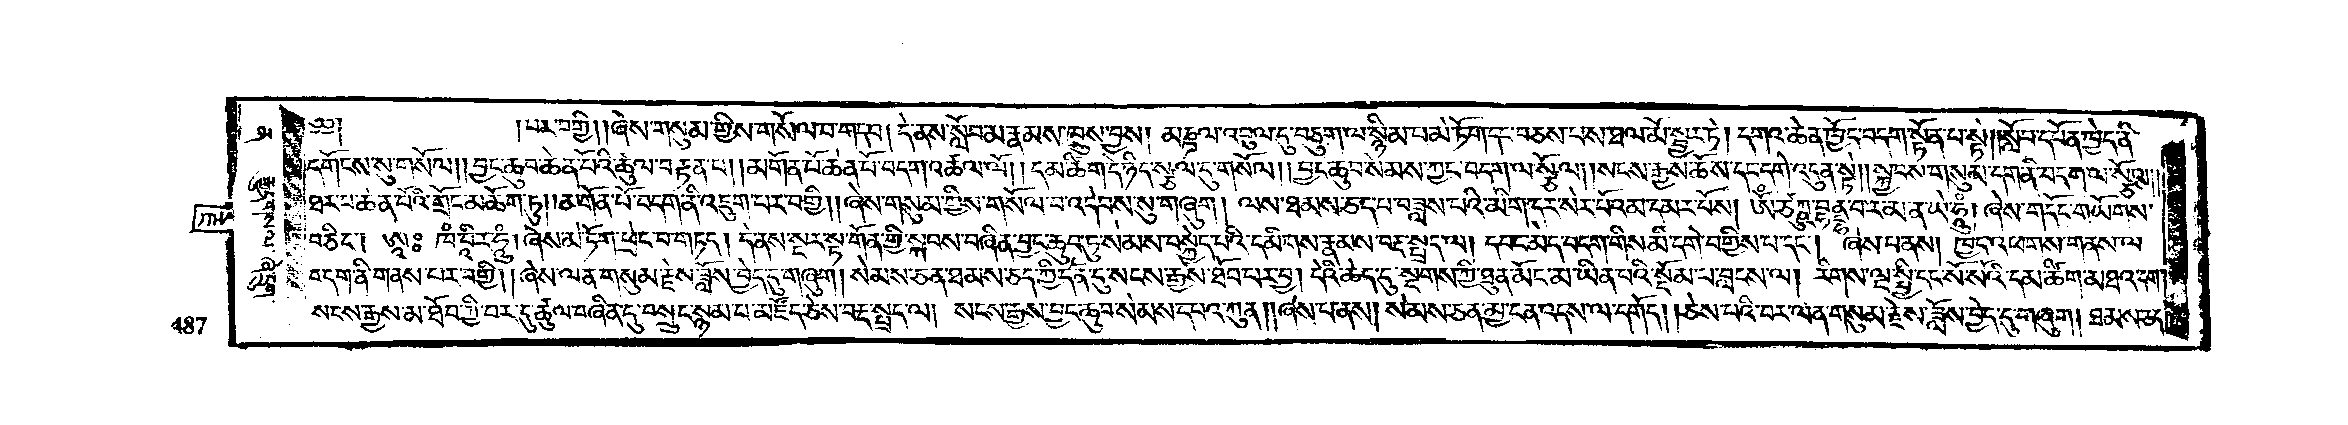༄༅། །པར་བགྱི། །ཞེས་གསུམ་གྱིས་གསོལ་བ་གདབ། དེ་ནས་སློབ་མ་རྣམས་ཁྲུས་བྱས། མཎྜལ་འབུལ་དུ་བཅུག་ལ་སྙིམ་པ་མེ་ཏོག་དང་བཅས་པས་ཐལ་མོ་སྦྱར་ཏེ། དགའ་ཆེན་ཁྱོད་བདག་སྟོན་པ་སྟེ། །སློབ་དཔོན་ཁྱེད་ནི་
དགོངས་སུ་གསོལ། །བྱང་ཆུབ་ཆེན་པོའི་ཚུལ་བརྟན་པ། །མགོན་པོ་ཆེན་པོ་བདག་འཚལ་ལོ། །དམ་ཚིག་དེ་ཉིད་སྩལ་དུ་གསོལ། །བྱང་ཆུབ་སེམས་ཀྱང་བདག་ལ་སྩོལ། །སངས་རྒྱས་ཆོས་དང་དགེ་འདུན་སྟེ། །སྐྱབས་གསུམ་དག་ནི་བདག་ལ་སྩོལ།།
ཐར་པ་ཆེན་པོའི་གྲོང་མཆོག་ཏུ། །མགོན་པོ་བདག་ནི་འཇུག་པར་བགྱི། །ཞེས་གསུམ་གྱིས་གསོལ་བ་འདེབས་སུ་གཞུག །ལས་ཐམས་ཅད་པ་བཟླས་པའི་མིག་དར་སེར་པོའམ་དམར་པོས། ཨོཾ་ཙཀྵུ་བྷནྡྷ་བ་ར་མ་ན་ཡེ་ཧཱུཾ། ཞེས་གདོང་གཡོགས་
བཅིང་། ཨཱཿ ཁཾ་བཱི་ར་ཧཱུཾ། ཞེས་མེ་ཏོག་ཕྲེང་བ་གཏད། དེ་ནས་སྔར་སྟ་གོན་གྱི་སྐབས་བཞིན་བྱང་ཆུབ་ཏུ་སེམས་བསྐྱེད་པའི་དམིགས་རྣམས་བརྡ་སྤྲད་ལ། དབང་མེད་བདག་གིས་མི་དགེ་བགྱིས་པ་དང་། ཞེས་པ་ནས། ཁྱད་འཕགས་གནས་ལ་
བདག་ནི་གནས་པར་བགྱི། །ཞེས་ལན་གསུམ་རྗེས་ཟློས་བྱེད་དུ་གཞུག །སེམས་ཅན་ཐམས་ཅད་ཀྱི་དོན་དུ་སངས་རྒྱས་ཐོབ་པར་བྱ། དེའི་ཆེད་དུ་སྔགས་ཀྱི་ཐུན་མོང་མ་ཡིན་པའི་སྡོམ་པ་བླངས་ལ། རིགས་ལྔ་སྤྱི་དང་སོ་སོའི་དམ་ཚིག་མཐའ་དག་
སངས་རྒྱས་མ་ཐོབ་ཀྱི་བར་དུ་ཚུལ་བཞིན་དུ་བསྲུང་སྙམ་པ་མཛོད་ཅེས་བརྡ་སྤྲད་ལ། སངས་རྒྱས་བྱང་ཆུབ་སེམས་དཔའ་ཀུན། །ཞེས་པ་ནས། སེམས་ཅན་མྱ་ངན་འདས་ལ་དགོད། །ཅེས་པའི་བར་ལན་གསུམ་རྗེས་ཟློས་བྱེད་དུ་གཞུག །ཐམས་ཅད་